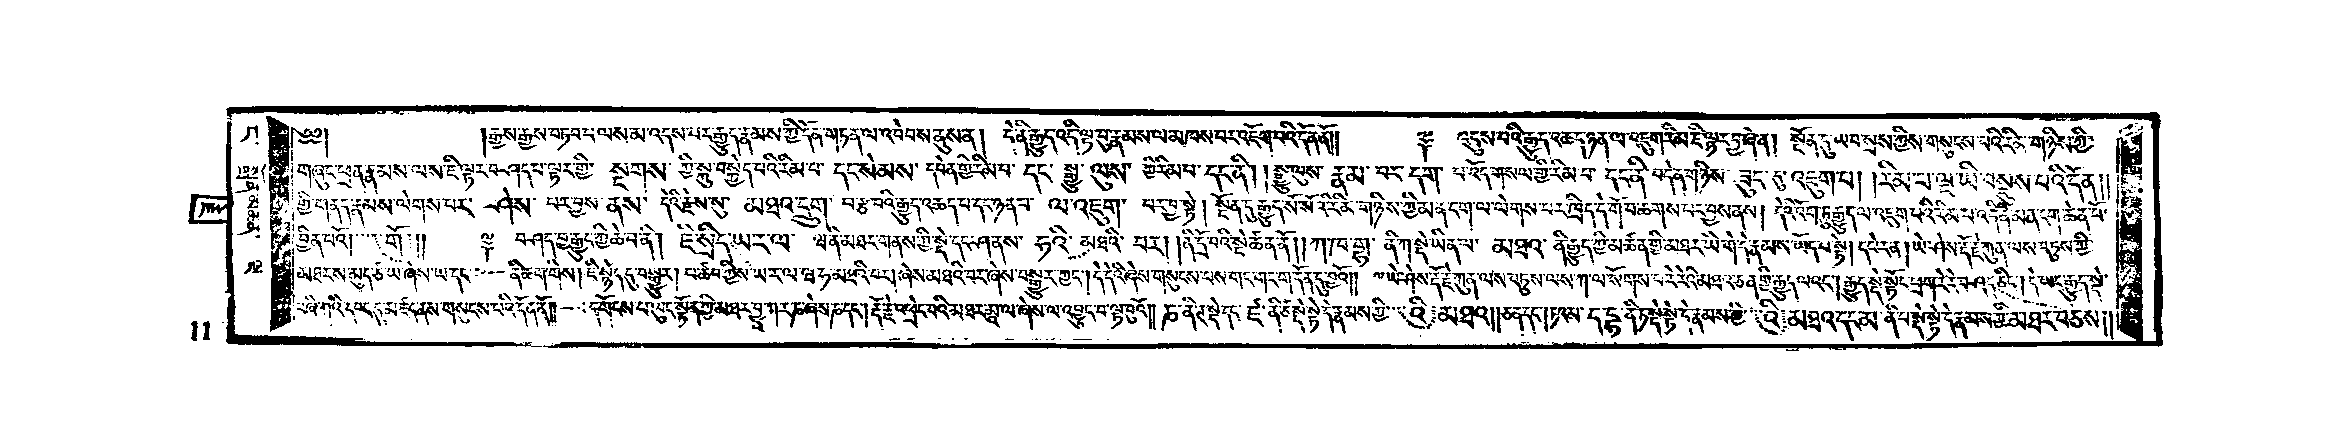༄༅། །རྒྱས་རྒྱས་བཏབ་པ་ལས་མ་འདས་པར་རྒྱུད་རྣམས་ཀྱི་དོན་གཏན་ལ་འབེབས་ནུས་ན། དེ་ནི་རྒྱུད་འདི་ལྟ་བུ་རྣམས་ལ་མཁས་པར་འཇོག་པའི་དོན་ནོ།། ༈ འདུས་པའི་རྒྱུད་འཆད་ཉན་ལ་འཇུག་རིམ་ཇི་ལྟར་བྱ་ཞེ་ན། སྔོན་དུ་ཡབ་སྲས་ཀྱིས་གསུངས་པའི་རིམ་གཉིས་ཀྱི་
གཞུང་ཕྲན་རྣམས་ལས་ཇི་ལྟར་བཤད་པ་ལྟར་གྱི་སྔགས་ཀྱི་སྐུ་བསྐྱེད་པའི་རིམ་པ་དང་སེམས་དབེན་གྱི་རིམ་པ་དང་སྒྱུ་ལུས་ཀྱི་རིམ་པ་དང་ནི། ། སྒྱུ་ལུས་རྣམ་པར་དག་པ་འོད་གསལ་གྱི་རིམ་པ་དང་ནི་བདེན་གཉིས་ཟུང་དུ་འཇུག་པ། །རིམ་པ་ལྔ་ཡི་བསྡུས་པའི་དོན།།
གྱི་གནད་རྣམས་ལེགས་པར་ཤེས་པར་བྱས་ནས་དེའི་རྗེས་སུ་མཐའ་དྲུག་པ་རྩ་བའི་རྒྱུད་འཆད་པ་དང་ཉན་པ་ལ་འཇུག་པར་བྱ་སྟེ། སྔོན་དུ་རྒྱུད་སོ་སོའི་རིམ་གཉིས་ཀྱི་མན་ངག་ལ་ལེགས་པར་ཁྲིད་དེ་གོ་བ་ཆགས་པར་བྱས་ནས། དེའི་འོག་ཏུ་རྒྱུད་ལ་འཇུག་པའི་རིམ་པ་འདི་ནི་མན་ངག་ཆེན་པོ་
བྱིན་པའོ། གོ །། ༈ བཤད་བྱ་རྒྱུད་ཀྱི་ཆེ་བ་ནི།  ཇི་སྲིད་ཡར་ལ་ཝ་ནི་མཐར་གནས་ཀྱི་སྡེ་དང་ཤ་ནས་ཧའི་མཐའི་བར། །ནི་དྲོ་བའི་སྡེ་ཚན་ནོ།  །ཀ་ཁ་གྷ་ནི་ཀ་སྡེ་ཡིན་ལ་མཐའ་ནི་རྒྱུད་ཀྱི་མཚན་གྱི་མཐར་ཡི་གེ་དེ་རྣམས་ཡོད་པ་སྟེ། དཔེར་ན། ཡེ་ཤེས་རྡོ་རྗེ་ཀུན་ལས་བཏུས་ཀྱི་
མཐར་ས་མུད་ཙ་ཡ་ཞེས་དང་H.་ནི་ཆག་གིས། ཇི་སྙེད་དུ་བསྒྱུར། པ་ཚབ་ཀྱིས་ཡ་ར་ལ་ཝ་ཧ་མཐའི་བར། ཞེས་མཐའི་བར་ཞེས་བསྒྱུར་ཀྱང་། དེ་དེའི་ཞེས་གསུངས་པས་གང་གང་གདོན་དུ་བྱའོ།། ༧་ཡེ་ཤེས་རྡོ་རྗེ་ཀུན་ལས་བཏུས་ལས་ཀ་ལ་སོགས་པ་རེ་རེའི་མཐའ་ཅན་གྱི་རྒྱུད་ལའང་། རྒྱུད་སྡེ་སྟོང་ཕྲག་རེ་རེ་བཤད་ཅིང་། དེ་ཡང་རྒྱུད་སྡེ་
བཞི་ཀའི་དབང་དུ་མཛད་ནས་གསུངས་པའི་དོན་ནོ།། .H དགོངས་པ་ལུང་སྟོན་གྱི་མཐར་བྱཱ་ཀ་ར་ཎ་ཞེས་ཎ་དང་། རྡོ་རྗེ་འཕྲེང་བའི་མཐར་མཱ་ལ་ཞེས་ལ་འབྱུང་བ་ལྟ་བུའོ།། ཎ་ནི་ཊ་སྡེ་དང་ཛ་ནི་ཙ་སྡེ་སྟེ་དེ་རྣམས་ཀྱི་འི་མཐའ། ། ཅན་དང་། ཏའམ་ད་དྷ་ནི་ཏ་སྡེ་སྟེ་དེ་རྣམས་ཀྱི་འི་མཐའ་དང་མ་ནི་བ་སྡེ་སྟེ་དེ་རྣམས་ཀྱི་མཐར་བཅས། །